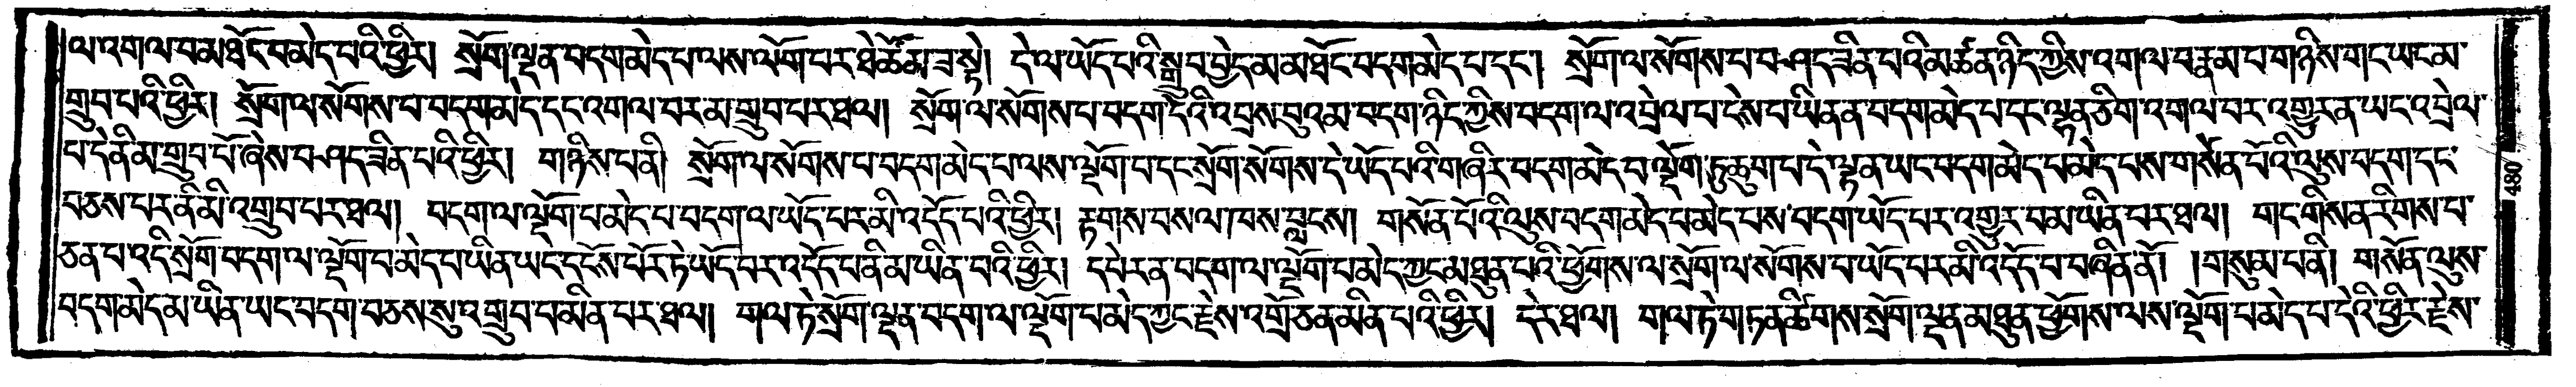ལ་འགལ་བ་མཐོང་བ་མེད་པའི་ཕྱིར། སྲོག་ལྡན་བདག་མེད་པ་ལས་ལོག་པར་ཐེ་ཚོམ་ཟ་སྟེ། དེ་ལ་ཡོད་པའི་སྒྲུབ་བྱེད་མ་མཐོང་བདག་མེད་པ་དང་། སྲོག་ལ་སོགས་པ་བཤད་ཟིན་པའི་མཚན་ཉིད་ཀྱིས་འགལ་བ་རྣམ་པ་གཉིས་གང་ཡང་མ་
གྲུབ་པའི་ཕྱིར། སྲོག་ལ་སོགས་པ་བདག་མེད་དང་འགལ་བར་མ་གྲུབ་པར་ཐལ། སྲོག་ལ་སོགས་པ་བདག་དེའི་འབྲས་བུའམ་བདག་ཉིད་ཀྱིས་བདག་ལ་འབྲེལ་པ་ངེས་པ་ཡིན་ན་བདག་མེད་པ་དང་ལྷན་ཅིག་འགལ་བར་འགྱུར་ན་ཡང་འབྲེལ་
པ་དེ་ནི་མ་གྲུབ་པོ་ཞེས་བཤད་ཟིན་པའི་ཕྱིར། གཉིས་པ་ནི། སྲོག་ལ་སོགས་པ་བདག་མེད་པ་ལས་ལྡོག་པ་དང་སྲོག་སོགས་དེ་ཡོད་པའི་གཞིར་བདག་མེད་པ་ལྡོག་ཏུ་ཆུག་པ་དེ་ལྟ་ན་ཡང་བདག་མེད་པ་མེད་པས་གསོན་པོའི་ལུས་བདག་དང་
བཅས་པར་ནི་མི་འགྲུབ་པར་ཐལ། བདག་ལ་ལྡོག་པ་མེད་པ་བདག་ལ་ཡོད་པར་མི་འདོད་པའི་ཕྱིར། རྟགས་བསལ་ཁས་བླངས། གསོན་པོའི་ལུས་བདག་མེད་པ་མེད་པས་བདག་ཡོད་པར་འགྱུར་བ་མ་ཡིན་པར་ཐལ། གང་གིས་ན་རིགས་པ་
ཅན་པ་འདི་སྲོག་བདག་ལ་ལྡོག་པ་མེད་པ་ཡིན་ཡང་དངོས་པོར་ཏེ་ཡོད་པར་འདོད་པ་ན་མ་ཡིན་པའི་ཕྱིར། དཔེར་ན་བདག་ལ་ལྡོག་པ་མེད་ཀྱང་མཐུན་པའི་ཕྱོགས་ལ་སྲོག་ལ་སོགས་པ་ཡོད་པར་མི་འདོད་པ་བཞིན་ནོ། །གསུམ་པ་ནི། གསོན་ལུས་
བདག་མེད་མ་ཡིན་ཡང་བདག་བཅས་སུ་འགྲུབ་པ་མིན་པར་ཐལ། གལ་ཏེ་སྲོག་ལྡན་བདག་ལ་ལྡོག་པ་མེད་ཀྱང་རྗེས་འགྲོ་ཅན་མིན་པའི་ཕྱིར། དེར་ཐལ། གལ་ཏེ་གཏན་ཚིགས་སྲོག་ལྡན་མཐུན་ཕྱོགས་ལས་ལྡོག་པ་མེད་པ་དེའི་ཕྱིར་རྗེས་